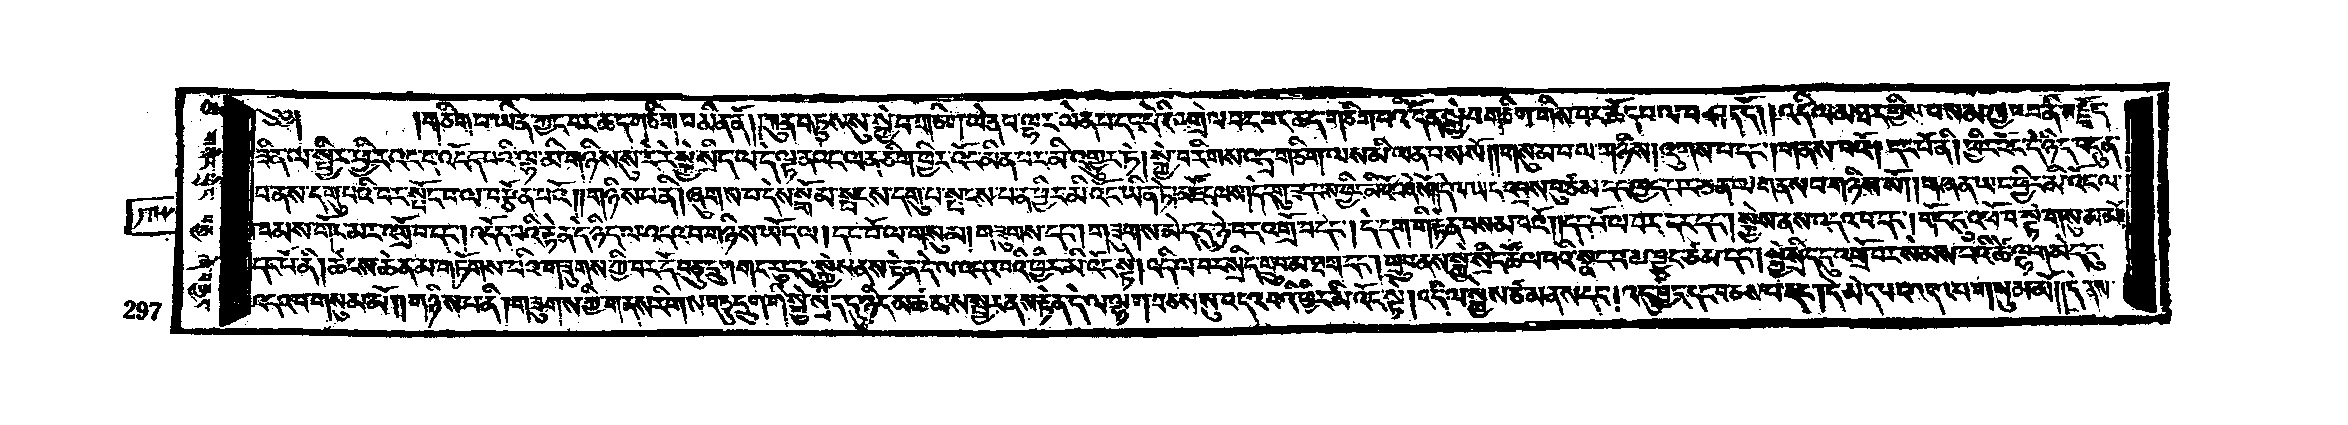༄༅། །གཅིག་པ་ཡིན་ཀྱང་བར་ཆད་གཅིག་པ་མིན་ནོ། །ཀུན་བཏུས་སུ་སྐྱེ་བ་གཅིག་ལེན་པ་ལྷར་ལེན་པ་དང་དེའི་འགྲེལ་པར་བར་ཆད་གཅིག་པའི་དོན་སྐྱེ་བ་གཅིག་གིས་བར་ཆོད་པ་ལ་བཤད་དོ། །འདི་ལ་མཐར་གྱིས་པས་མ་ཁྱབ་པ་ནི་བརྗོད་
ཟིན་ལ་སྤྱིར་ཕྱིར་འང་དེ་འདོད་པའི་ལྷ་མི་གཉིས་སུ་རེ་རེ་སྐྱེ་སྲིད་ལ་དེ་ལྟ་ནའང་ལན་ཅིག་ཕྱིར་འོང་མིན་པར་མི་འགྱུར་ཏེ། སྐྱེ་བ་རིགས་འདྲ་གཅིག་ལས་མི་ལན་པས་སོ། །གསུམ་པ་ལ་གཉིས། ཞུགས་པ་དང་། གནས་པའོ། །དང་པོ་ནི། ཕྱིར་འོང་དེ་ཉིད་བདུན་
པ་ནས་དགུ་པའི་བར་སྤོང་བ་ལ་བརྩོན་པའོ། །གཉིས་པ་ནི། ཞུགས་པ་དེས་སྒོམ་སྤངས་དགུ་པ་སྤངས་པ་ན་ཕྱིར་མི་འོང་ཡིན་ཏེ། མཛོད་ལས། དེ་དགུ་ཟད་པས་ཕྱིར་མི་འོང་ཞེས་སོ། །དེ་ལ་ཡང་འབྲས་བུ་ཙམ་དང་ཁྱད་པར་ཅན་ལ་གནས་པ་གཉིས་སོ། །གཞན་ཡང་ཕྱིར་མི་འོང་ལ་
ཁམས་གོང་མར་འགྲོ་བ་དང་། འདོད་པའི་རྟེན་དེ་ཉིད་ལ་འདའ་བ་གཉིས་ཡོད་ལ། དང་པོ་ལ་གསུམ། གཟུགས་དང་། གཟུགས་མེད་དུ་ཉེ་བར་འགྲོ་བ་དང་། དེ་དག་གི་རྟེན་བསམ་པའོ། །དང་པོ་ལ་བར་དོར་དང་། སྐྱེས་ནས་འདའ་བ་དང་། གོང་དུ་འཕོ་བ་སྟེ་གསུམ་མོ། །
དང་པོ་ནི། ཚངས་ཆེན་མ་གཏོགས་པའི་གཟུགས་ཀྱི་བར་དོ་བཅུ་དྲུག་གང་རུང་དུ་སྐྱེས་ནས་རྟེན་དེ་ལ་འདའ་བའི་ཕྱིར་མི་འོང་སྟེ། འདི་ལ་བར་སྲིད་གྲུབ་མ་ཐག་དང་། གྲུབ་ནས་སྐྱེ་སྲིད་ཚོལ་བའི་སྣང་བ་མ་བྱུང་ཙམ་དང་། སྐྱེ་སྲིད་དུ་འགྲོ་བར་སེམས་པའི་ཚེ་ལྷག་མེད་དུ་
འདའ་བ་གསུམ་མོ། །གཉིས་པ་ནི། གཟུགས་ཀྱི་གནས་རིགས་བཅུ་དྲུག་གི་སྐྱེ་སྲིད་དུ་ཉིང་མཚམས་སྦྱར་ནས་རྟེན་དེ་ལ་ལྷག་བཅས་སུ་འདའ་བའི་ཕྱིར་མི་འོང་སྟེ། འདི་ལ་སྐྱེས་ཙམ་ནས་དང་། འདུ་བྱེད་དང་བཅས་པ་དང་། དེ་མེད་པར་འདའ་བ་གསུམ་མོ། །དེ་དག་